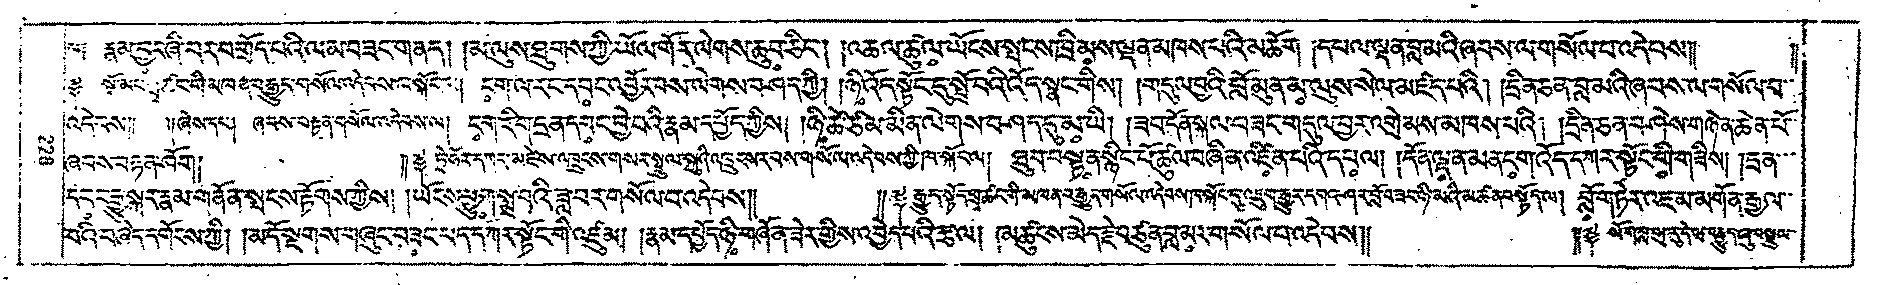ལ། རྣམ་བྱང྾་ཞི་བར་བགྲོད་པའི་ལམ་བཟང་གནད། །མ་ལུས་ཐུགས་ཀྱི་ཡོལ་གོར་ལེགས་ཆུབ྾་ཅིང་། །འཆལ་ཚུལ྾་ཡོངས་སྤངས་ཁྲིམས྾་ལྡན་མཁས་པའི་མཆོག །དཔལ་ལྡན་བླ་མའི་ཞབས་ལ་གསོལ་བ་འདེབས།། །།
༈ སྒོ་མང་གྲྭ་ཚང་གི་མཁན་བརྒྱུད་གསོལ་འདེབས་ཁ་སྐོང་ལ།  ངག྾་ལ་རང་དབང྾་འབྱོར་བས་ལེགས་བཤད་ཀྱི། །ཉི྾་འོད་སྟོང་དུ་སྤྲོ་བའི་འོད་སྣང་གིས། །གདུལ་བྱའི་བློ་མུན་མ྾་ལུས་སེལ་མཛད་པའི། །དྲིན་ཅན་བླ་མའི་ཞབས་ལ་གསོལ་བ་
འདེབས།། །། ཞེས་དང་། ཞབས་བརྟན་གསོལ་འདེབས་ལ།  ངག྾་རིག་དྲན་དབང྾་བྱེ་བའི་རྣམ་དཔྱོད་ཀྱིས། །ཉི྾་ཚེ་ཙམ་མིན་ལེགས་བཤད་དུ་མ྾་ཡི། །ཟབ་དོན་སྐལ་བཟང་གདུལ་བྱར་འགྲེམས་མཁས་པའི། །དྲིན་ཅན་བཤེས་གཉེན་ཆེན་པོ་
ཞབས་བརྟན་ཤོག ། །། ༈ ཏྲེ་ཧོར་དཀར་མཛེས་འཁྲུངས་གསར་སྤྲུལ་སྐུའི་འཁྲུངས་རབས་གསོལ་འདེབས་ཀྱི་ཁ་སྐོང་ལ།  ཐུབ་བསྟན྾་སྙིང་པོ་ཚུལ་བཞིན་འཛིན྾་པའི་དཔལ྾། །དོན་ལྡན྾་མན་ངག྾་འོད་དཀར་སྟོང་གི྾་གཟིས། །དྲན་
དབང་རྒྱུ་སྐར་རྣམ་གནོན་སྤངས་རྟོགས་ཀྱིས། །ཡོངས་ཕྱུག྾་སྨྲ་བའི་ཟླ་བར་གསོལ་བ་འདེབས།། །། ༈ རྒྱུད་སྟོད་གྲྭ་ཚང་གི་མཁན་བརྒྱུད་གསོལ་འདེབས་ཁ་སྐོང་དུ་འཇུག་རྒྱུར་དགའ་ཤར་བློ་བཟང་ཉི་མའི་མཚན་བསྟོད་ལ།  བློ྾་གཏེར་འཇམ་མགོན་རྒྱལ་
བའི་བཞེད་དགོངས་ཀྱི། །མདོ་སྔགས་གཞུང་བཟང྾་པད་དཀར་སྟོང་གི་འཛུམ། །རྣམ་དཔྱོད་ཉི྾་གཞོན་ཟེར་གྱིས་འབྱེད་པའི་རྩལ། །མཚུངས་མེད་རྗེ་བཙུན་བླ་མར྾་གསོལ་བ་འདེབས།། །། ༈ སོག་བླ་གུ་རུ་དེ་ཝ་བརྒྱུད་ཞུ་བསྐུལ་